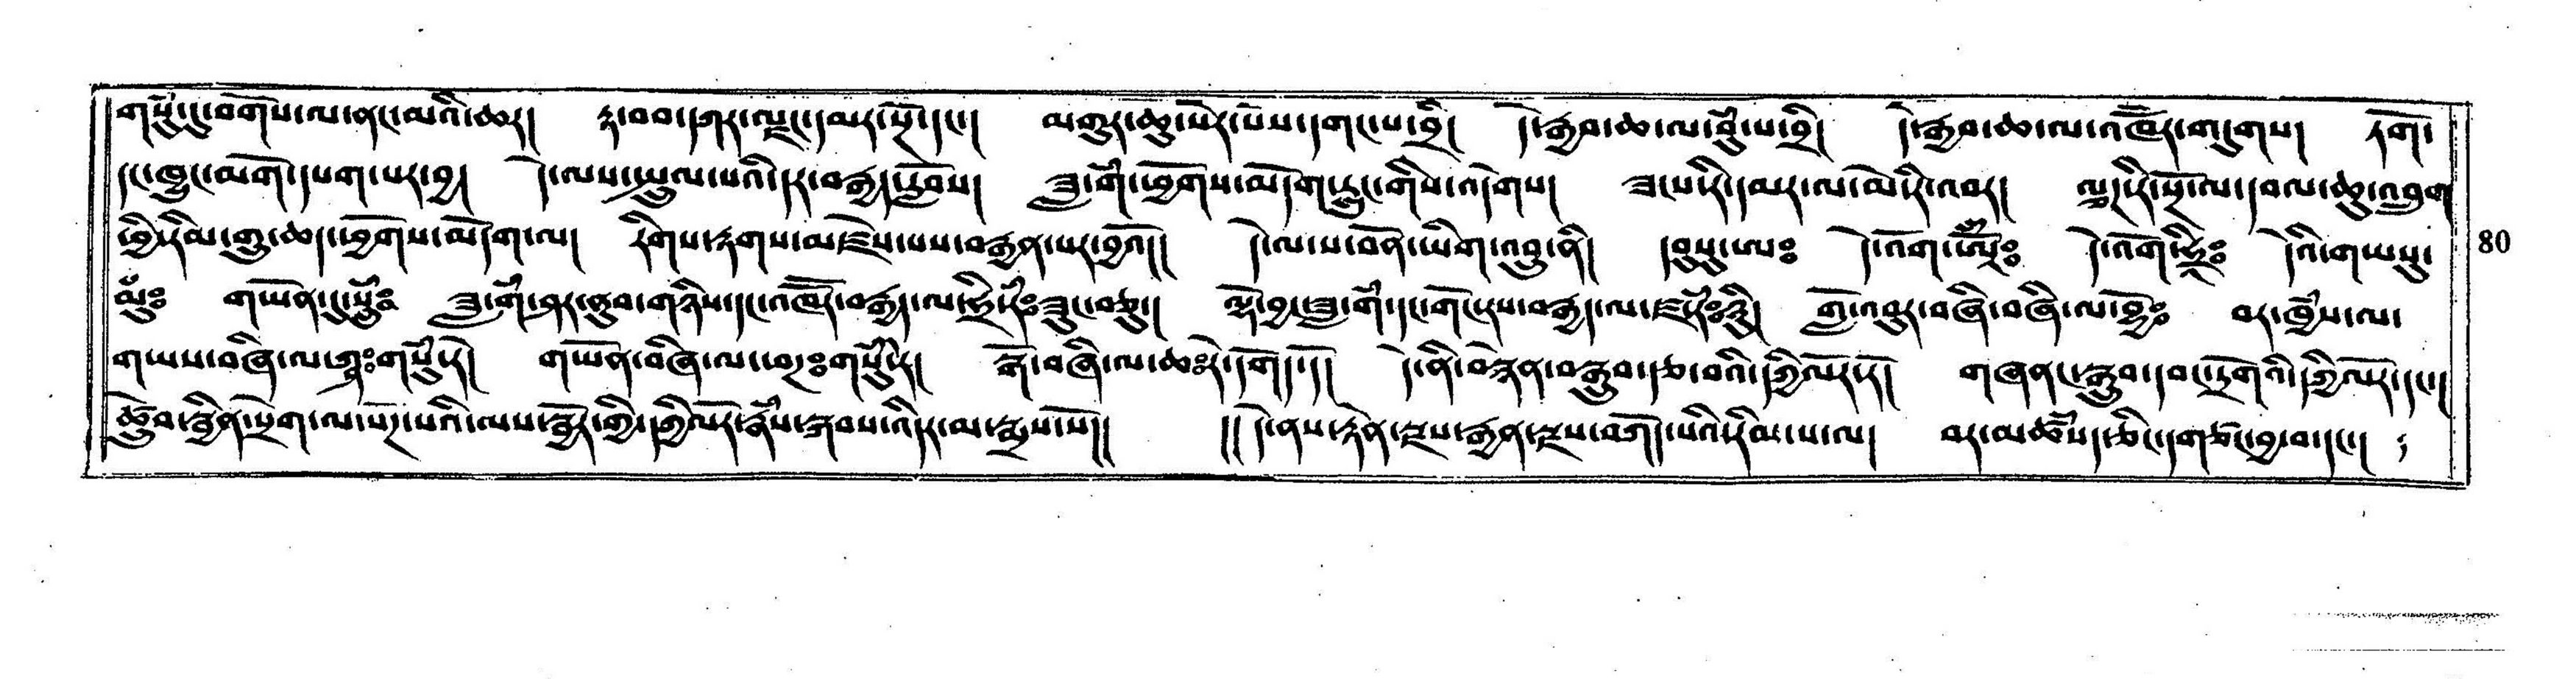གསུམ་དུ་བོགས་ལ་ནང་མའི་ཆར། རྟ་བབ་དཀར་ལྗང་དམར་སྔོ་དང་། མགུར་ཆུ་སེར་པོས་དགང་པ་བྲི། དེ་རྒྱབ་ཆ་ལ་བུམ་པ་བྲི། དེ་རྒྱབ་ཆ་ལ་འཁོར་ལོ་གདུགས། ཏོག་
དང་ཁྱུང་མགོ་དཔག་པར་བྱ། དེ་ལས་སྤྲུལ་པའི་དར་བརྒྱད་རློབས། ཟླ་གམ་ཕྱོགས་མདོག་རླུང་གིས་འདེགས། ཟངས་རི་དམར་ལ་མེ་རི་འབར། ལྕགས་རི་སྔོ་ལ་དབལ་ཆུ་འབྲུག 
ཕྱི་རིམ་གྲུ་ཆད་ཕྱོགས་མདོག་ལ། རིགས་རྟགས་མཛེས་པས་བརྒྱན་པར་བྱའོ།། དེ་ལ་ས་བོན་ཡིག་འབྲུ་ནི། དབུས་སུ་ཨཿ དེ་འོག་ཨཱོཾཿ དེ་འོག་ཧྲཱིཿ དེའི་གཡས་སུ་
མུཾཿ གཡོན་དུ་སྲུཾཿ ཟླ་གམ་ཤར་ནུབ་གཉིས་དང་འཁོར་ལོ་བརྒྱད་ལ་ཧྲི་རཾཿཟུང་བཅུ། ལྷོ་བྱང་ཟླ་གམ་དང་གོང་རས་བརྒྱད་ལ་ཛ་རཾཿཉི་ཤུ། གློ་འབུར་བཞི་བཞི་ལ་བྷྱོཿ བར་ཁྱམས་ལ་
གཡས་བཞི་ལ་ཀྴཿགསུམ་རེ། གཡོན་བཞི་ལ་ཕཊཿགསུམ་ཏེ། སྒོ་བཞི་ལ་ཆཿརེ་དགོད་དོ། དེ་ནི་བསྙེན་བསྒྲུབ་རྩ་བའི་དཀྱིལ་འཁོར་རོ། གཞན་ཡང་སྒྲུབ་དབང་དྲག་པོའི་དཀྱིལ་འཁོར་དང་། 
ཚེ་སྒྲུབ་སྦྱིན་སྲེག་ལ་སོགས་པའི་ལས་སྦྱོར་གྱི་དཀྱིལ་འཁོར་རྣམས་སྐབས་འདིར་མ་སྨྲས་སོ།། །།དེ་ནས་རྟེན་རྫས་རྒྱན་རྫས་བཀོད་པའི་རིམ་པ་ལ། བར་མཚམས་བཅད་ཅིང་དག་གཙང་བྱ་བ་དང་།